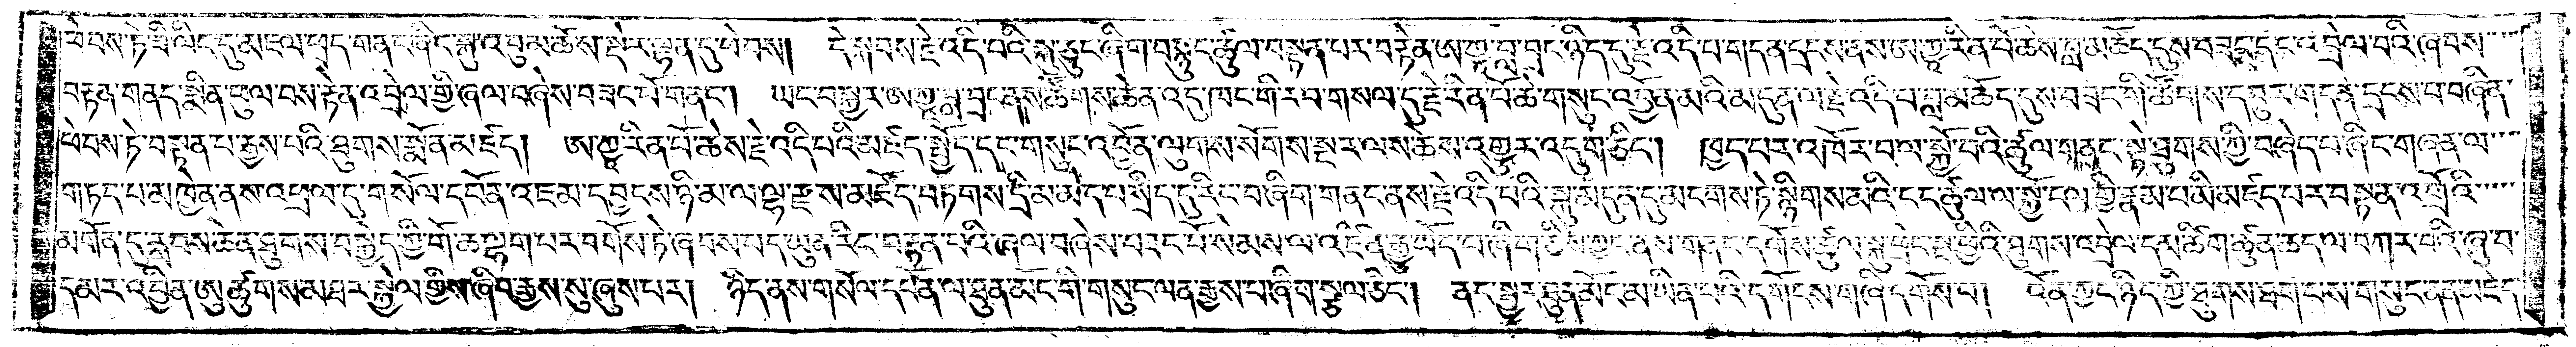ཕེབས་ཏེ་སྲི?་ལིང་དུ་མཇལ་ཕྲད་གནང་ཞིང་སྐུ་འབུམ་ཆོས་སྡེར་ལྷན་དུ་ཕེབས། དེ་སྐབས་རྗེ་འདི་བའི་སྐུ་ཅུང་ཞིག་བསྙུང་ཚུལ་བསྟན་པར་བརྟེན་ཨ་ཀྱཱ་བླ་བྲང་ཉིད་དུ་རྗེ་འདི་བ་གདན་དྲངས་ནས་ཨ་ཀྱཱ་རིན་པོ་ཆེས་བླ་མཆོད་དུས་བཟང་དང་འབྲེལ་བའི་ཞབས་
བརྟན་གནད་སྨིན་ཕུལ་བས་རྟེན་འབྲེལ་གྱི་ཞལ་བཞེས་བཟང་པོ་གནང་། ཡང་བསྐྱར་ཨ་ཀྱཱ་བླ་བྲང་ནས་ཚོགས་ཆེན་འདུ་ཁང་གི་རབ་གསལ་དུ་རྗེ་རིན་པོ་ཆེ་གསུང་འབྱོན་མའི་མདུན་ལ་རྗེ་འདི་པ་བླ་མཆོད་དུས་བཟང་གི་ཚོགས་དབུར་གདན་དྲངས་བ་བཞིན་
ཕེབས་ཏེ་བསྟན་བ་རྒྱས་བའི་ཐུགས་སྨོན་མཛད། ཨ་ཀྱཱ་རིན་པོ་ཆེས་རྗེ་འདི་བའི་མཛད་སྤྱོད་དང་གསུང་འབྱོན་ལུགས་སོགས་སྔར་ལས་ཆེས་འགྱུར་འདུག་ཅིང་། ཁྱད་པར་འཁོར་བ་ལ་སྐྱོ་བའི་ཚུལ་གནང་སྟེ་ཐུགས་ཀྱི་བཞེད་བ་ཞིང་གཞན་ལ་
གཏད་པ་མཁྱེན་ནས་འཕྲལ་དུ་གསོལ་དབོན་འཇམ་དབྱངས་ཉི་མ་ལ་ལྷ་རྫས་མཛོད་བཏགས་དྲི་མ་མེད་པ་སྲིད་དུ་རིང་བ་ཞིག་གནང་ནས་རྗེ་འདི་པའི་སྐུ་མདུན་དུ་མངགས་ཏེ་སྙིགས་མའི་དང་ཚུལ་ལ་སྐྱོ་ངལ་གྱི་རྣམ་པ་མི་མཛད་པར་བསྟན་འགྲོའི་
མགོན་དུ་རླབས་ཆེན་ཐུགས་བསྐྱེད་ཀྱི་གོ་ཆ་ལྷག་པར་བགོས་ཏེ་ཞབས་པད་ཡུན་རིང་བརྟན་པའི་ཞལ་བཞེས་བཟང་པོ་སེམས་ལ་འཛིན་རྒྱུ་ཡོད་པ་ཞིག་ཅིས་ཀྱང་ནས་གནང་དགོས་ཚུལ་སྐུ་ཕྲེང་སྔ་ཕྱིའི་ཐུགས་འབྲེལ་དམ་ཚིག་ཚུན་ཆད་ལ་དཀར་བའི་ཞུ་བ་
དམར་འབྱིན་ཨུ་ཚུགས་མཐར་སྐྱེལ་གྱིས་ཞིབ་རྒྱས་སུ་ཞུས་པར། ཉིད་ནས་གསོལ་དཔོན་ལ་ཐུན་མོང་གི་གསུང་ལན་རྒྱས་པ་ཞིག་སྩལ་ཅིང་། ནང་སྦྱར་ཐུན་མོང་མ་ཡིན་པའི་དགོངས་གཞི་དགོས་པ། འོན་ཀྱང་ཉིད་ཀྱི་ཐུགས་ཐག་བས་གསུང་ནན་མཛད་